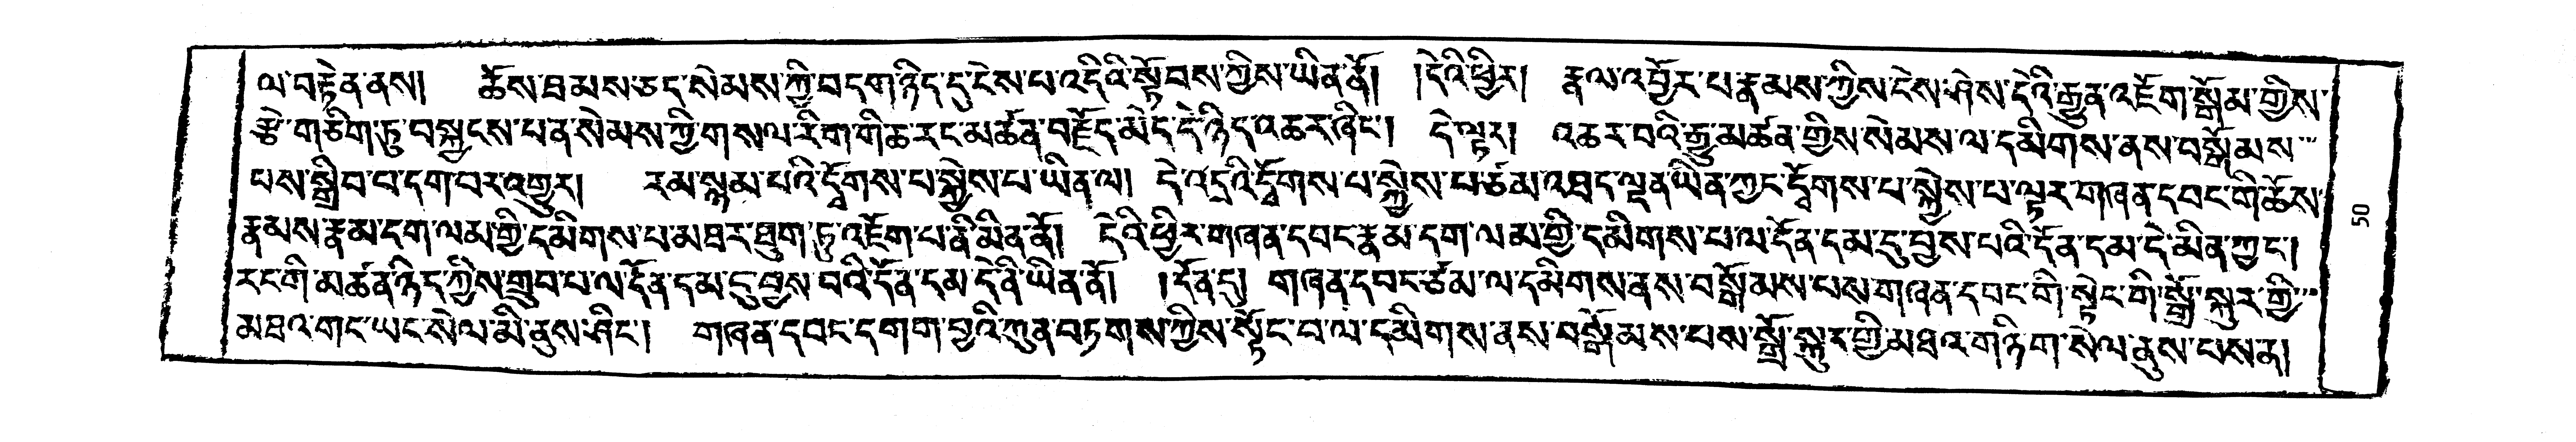ལ་བརྟེན་ནས། ཆོས་ཐམས་ཅད་སེམས་ཀྱི་བདག་ཉིད་དུ་ངེས་པ་འདིའི་སྟོབས་ཀྱིས་ཡིན་ནོ། །དེའི་ཕྱིར། རྣལ་འབྱོར་པ་རྣམས་ཀྱིས་ངེས་ཤེས་དེའི་རྒྱུན་འཇོག་སྒོམ་གྱིས་
རྩེ་གཅིག་ཏུ་བསྐྱངས་པ་ན་སེམས་ཀྱི་གསལ་རིག་གི་ཆ་རང་མཚན་བརྗོད་མེད་དེ་ཉིད་འཆར་ཞིང་། དེ་ལྟར། འཆར་བའི་རྒྱུ་མཚན་གྱིས་སེམས་ལ་དམིགས་ནས་བསྒོམས་
པས་སྒྲིབ་པ་དག་པར་འགྱུར། རམ་སྙམ་པའི་དྭོགས་པ་སྐྱེས་པ་ཡིན་ལ། དེ་འདྲའི་དྭོགས་པ་སྐྱེས་པ་ཙམ་འཐད་ལྡན་ཡིན་ཀྱང་དྭོགས་པ་སྐྱེས་པ་ལྟར་གཞན་དབང་གི་ཆོས་
རྣམས་རྣམ་དག་ལམ་གྱི་དམིགས་པ་མཐར་ཐུག་ཏུ་འཇོག་པ་ནི་མིན་ནོ། དེའི་ཕྱིར་གཞན་དབང་རྣམ་དག་ལམ་གྱི་དམིགས་པ་ལ་དོན་དམ་དུ་བྱས་པའི་དོན་དམ་དེ་མིན་ཀྱང་།
རང་གི་མཚན་ཉིད་ཀྱིས་གྲུབ་པ་ལ་དོན་དམ་དུ་བྱས་པའི་དོན་དམ་དེ་ནི་ཡིན་ནོ། །དོན་དུ། གཞན་དབང་ཙམ་ལ་དམིགས་ནས་བསྒོམས་པས་གཞན་དབང་གི་སྟེང་གི་སྒྲོ་སྐུར་གྱི་
མཐའ་གང་ཡང་སེལ་མི་ནུས་ཤིང་། གཞན་དབང་དགག་བྱའི་ཀུན་བཏགས་ཀྱིས་སྟོང་བ་ལ་དམིགས་ནས་བསྒོམས་པས་སྒྲོ་སྐུར་གྱི་མཐའ་གཉི་ག་སེལ་ནུས་པས་ན།